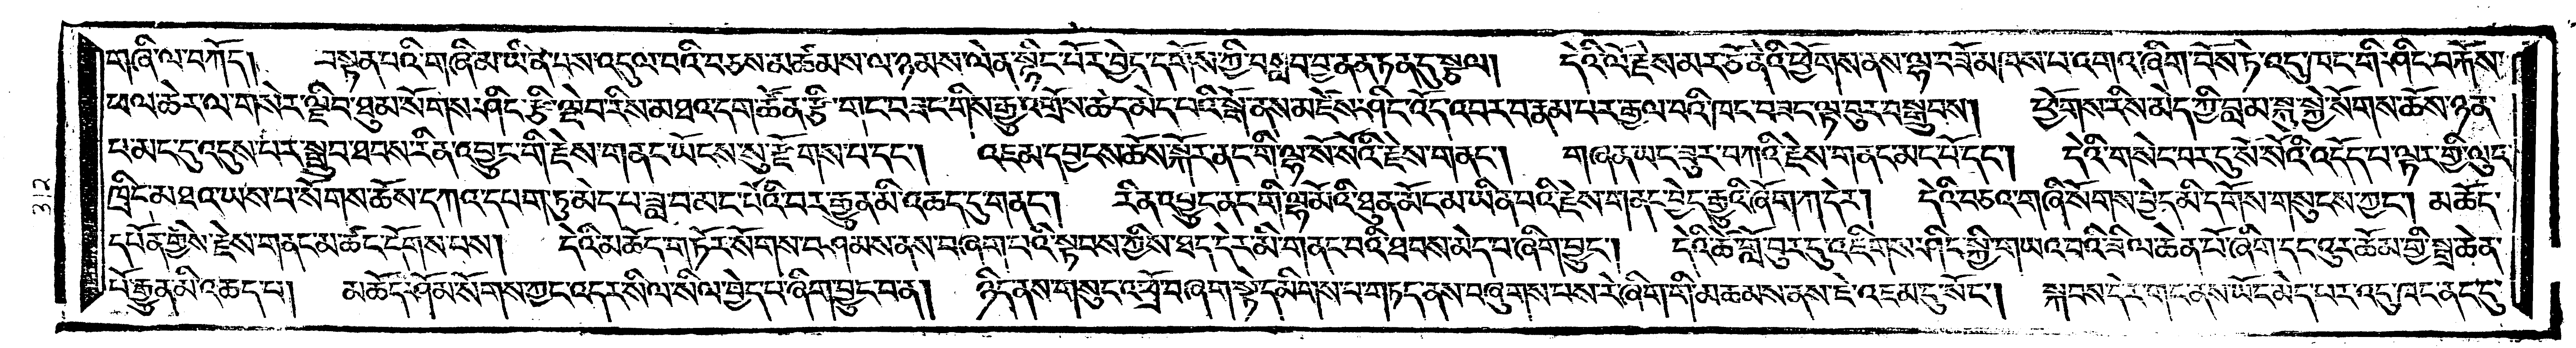གཞི་ལ་བཀོད། །བསྟན་བའི་གཞི་མ་ཡིན་པས་འདུལ་བའི་བཅས་མཚམས་ལ་ཉམས་ལེན་སྙིང་པོར་བྱེད་དགོས་ཀྱི་བསླབ་བྱ་ནན་ཏན་དུ་སྩལ། དེའི་ལོ་རྗེས་མར་ཅོ་ནེའི་ཕྱོགས་ནས་ལྷ་བཟོ་མཁས་པ་འགའ་ཞིག་བོས་ཏེ་འདུ་ཁང་གི་ཤིང་བརྐོས་
ཕལ་ཆེར་ལ་གསེར་ལྗིབ་ཐུམ་སོགས་ཤིང་རྩི་ལྡེབ་རིས་མཐའ་དག་ཚོན་རྩི་གང་བཟང་གིས་རྒྱུ་འགྲོས་ཚད་མེད་པའི་སྒོ་ནས་མཛེས་ཤིང་འོད་འབར་བ་རྣམ་པར་རྒྱལ་བའི་ཁང་བཟང་ལྟ་བུར་བསྒྲུབས། ཕྱོགས་རིས་མེད་ཀྱི་བླ་མ་སྐུ་སྐྱེ་སོགས་ཆོས་ཉན་
པ་མང་དུ་འདུས་པར་སྒྲུབ་ཐབས་རིན་འབྱུང་གི་རྗེས་གནང་ཡོངས་སུ་རྫོགས་བ་དང་། འཇམ་དབྱངས་ཆོས་སྐོར་ནང་གི་ལྷ་སོ་སོའི་རྗེས་གནང་། གཞན་ཡང་ཟུར་བཀའི་རྗེས་གནང་མང་པོ་དང་། དེའི་གསེང་བར་དུ་སོ་སོའི་འདོད་བ་ལྟར་གྱི་ལུང་
ཁྲིད་མཐའ་ཡས་པ་སོགས་ཆོས་དཀའ་དཔག་ཏུ་མེད་པ་ཟླ་བ་མང་པོའི་བར་རྒྱུན་མི་འཆད་དུ་གནང་། རིན་འབྱུང་ནང་གི་ལྷ་མོའི་ཐུན་མོང་མ་ཡིན་པའི་རྗེས་གནང་བྱེད་རྒྱུའི་ཞོག་ཀ་དེར། དེའི་བཅའ་གཞི་སོགས་བྱེད་མི་དགོས་གསུངས་ཀྱང་། མཆོད་
དཔོན་གྱིས་རྗེས་གནང་མ་ཚང་དོགས་པས། དེའི་མཆོད་གཏོར་སོགས་བཤམས་ནས་བཞག་པའི་སྟབས་ཀྱིས་ཐད་དེར་མི་གནང་བའི་ཐབས་མེད་པ་ཞིག་བྱུང་། དེའི་ཚེ་གློ་བུར་དུ་འཇིགས་ཤིང་སྐྱི་གཡའ་བའི་ཟིལ་ཆེན་པོ་ཞིག་དང་འུར་ཆེན་པོ་ཞིག་དང་འུར་ཆོམ་གྱི་སྒྲ་ཆེན་
པོ་རྒྱུན་མི་འཆད་བ། མཆོད་ཤོམ་སོགས་ཀྱང་འདར་སིལ་སིལ་བྱེད་པ་ཞིག་བྱུང་བ་ན། ཉིད་ནས་གསུང་འཕྲོ་བཞག་སྟེ་དམིགས་པ་གཏད་ནས་བཞུགས་པས་རེ་ཞིག་གི་མཆམས་ནས་འོ་འཇམ་དུ་སོང་། སྐབས་དེར་གང་ནས་ཡོང་མེད་པར་འདུ་ཁང་ནང་དུ་